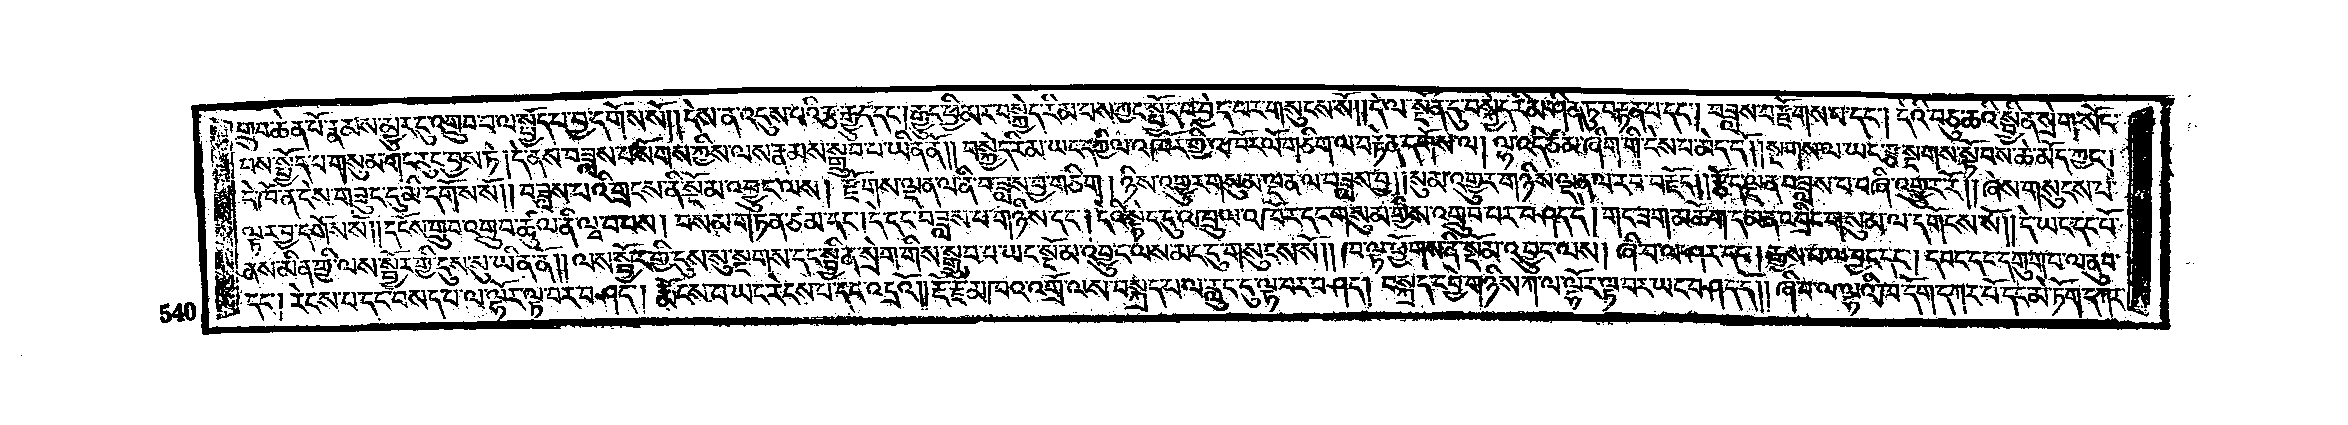གྲུབ་ཆེན་པོ་རྣམས་མྱུར་དུ་འགྲུབ་པ་ལ་སྤྱོད་པ་བྱ་དགོས་སོ། །དེས་ན་འདུས་པའི་རྩ་རྒྱུད་དང་། རྒྱུད་ཕྱི་མར་བསྐྱེད་རིམ་པས་ཀྱང་སྤྱོད་པ་བྱེད་པར་གསུངས་སོ། །དེ་ལ་སྔོན་དུ་བསྐྱེད་རིམ་ཤིན་ཏུ་བརྟན་པ་དང་། བཟླས་པ་རྫོགས་པ་དང་། དེའི་བཅུ་ཆའི་སྦྱིན་སྲེག་སོང་
བས་སྤྱོད་པ་གསུམ་གང་རུང་བྱས་ཏེ། དེ་ནས་བཟླས་པ་སོགས་ཀྱིས་ལས་རྣམས་སྒྲུབ་པ་ཡིན་ནོ། །བསྐྱེད་རིམ་ཡང་དཀྱིལ་འཁོར་གྱི་འཁོར་ལོ་གཅིག་ལ་བརྟེན་དགོས་ལ། ལྷ་འདི་ཙམ་ཞིག་གི་ངེས་པ་མེད་དོ། །སྔགས་ལ་ཡང་རྩ་སྔགས་སྟོབས་ཆེ་མོད་ཀྱང་།
དེ་ཁོ་ན་ངེས་གཟུང་དུ་མི་དགོས་སོ། །བཟླས་པའི་གྲངས་ནི་སྡོམ་འབྱུང་ལས། རྫོགས་ལྡན་ལ་ནི་བཟླས་བྱ་གཅིག །ཉིས་འགྱུར་གསུམ་ལྡན་ལ་བཟླས་བྱ། །སུམ་འགྱུར་གཉིས་ལྡན་ལ་རབ་བརྗོད། །རྩོད་ལྡན་བཟླས་པ་བཞི་འགྱུར་རོ། །ཞེས་གསུངས་པ་
ལྟར་བྱ་དགོས་སོ། །དངོས་གྲུབ་འགྲུབ་ཚུལ་ནི་ལྭ་བ་པས། བསམ་གཏན་ཙམ་དང་། དེ་དང་བཟླས་པ་གཉིས་དང་། དེའི་སྟེང་དུ་འཁྲུལ་འཁོར་དང་གསུམ་གྱིས་འགྲུབ་པར་བཤད་དེ། གང་ཟག་མཆོག་དམན་འབྲིང་གསུམ་ལ་དགོངས་སོ། །དེ་ཡང་དང་པོ་
ནས་མིན་གྱི་ལས་སྦྱོར་གྱི་དུས་སུ་ཡིན་ནོ། །ལས་སྦྱོར་གྱི་དུས་སུ་སྔགས་དང་སྦྱིན་སྲེག་གིས་སྒྲུབ་པ་ཡང་སྡོམ་འབྱུང་ལས་མང་དུ་གསུངས་སོ། །ཁ་ལྟ་ཕྱོགས་ནི་སྡོམ་འབྱུང་ལས། ཞི་བ་ལ་ཤར་དང་། རྒྱས་པ་ལ་བྱང་དང་། དབང་དང་དགུག་པ་ལ་ནུབ་
དང་། རེངས་པ་དང་བསད་པ་ལ་ལྷོར་ལྟ་བར་བཤད། རྨོངས་པ་ཡང་རེངས་པ་དང་འདྲའོ། །རྡོ་རྗེ་མཁའ་འགྲོ་ལས་བསྐྲད་པ་ལ་རླུང་དུ་ལྟ་བར་བཤད། བསྐྲད་དབྱེ་གཉིས་ཀ་ལ་ལྷོར་ལྟ་བར་ཡང་བཤད་དོ། །ཞི་བ་ལ་ལྷའི་ཁ་དོག་དཀར་པོ་དང་མེ་ཏོག་དཀར་